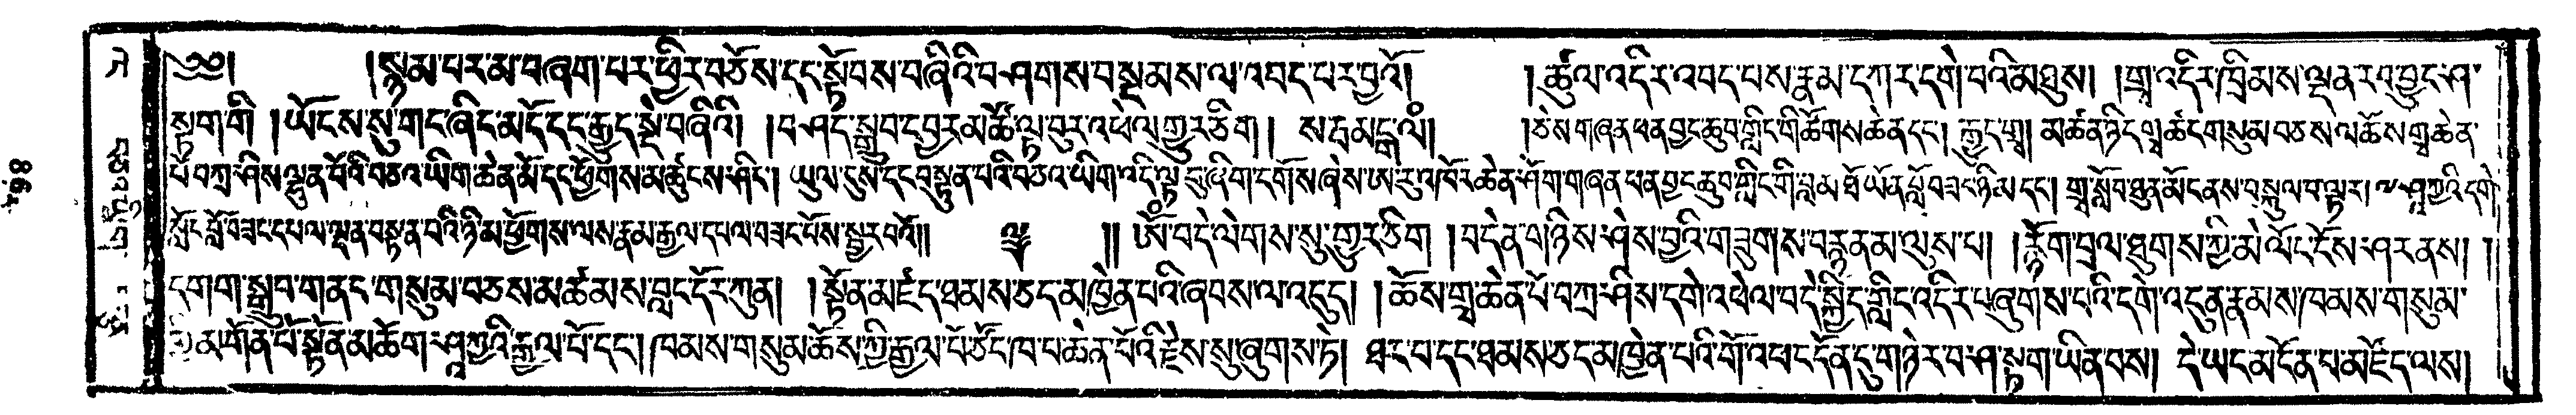༄༅། །སྙམ་པར་མ་བཞག་པར་ཕྱིན་བཅོས་དང་སྟོབས་བཞིའི་བཤགས་བསྔམས་ལ་འབད་པར་བྱའོ། །ཚུལ་འདིར་འབད་པས་རྣམ་དཀར་དགེ་པའི་མཐུས། །གྲྭ་འདིར་ཁྲིམས་ལྡན་རབ་འབྱུང་ཤ་
སྟག་གི །ཡོངས་སུ་གང་ཞིང་མདོ་དང་རྒྱུད་སྡེ་བཞིའི། །བཤད་སྒྲུབ་དབྱར་མཚོ་ལྟ་བུར་འཕེལ་གྱུར་ཅིག། སརྦ་མངྒ་ལཾ། །ཅེས་གཞན་ཕན་བྱང་ཆུབ་གླིང་གི་ཚོགས་ཆེན་དང་། རྒྱུད་གྲྭ། མཚན་ཉིད་གྲྭ་ཚང་གསུམ་བཅས་ལ་ཆོས་གྲྭ་ཆེན་
པོ་བཀྲ་ཤིས་ལྷུན་པོའི་བཅའ་ཡིག་ཆེན་མོ་དང་ཕྱོགས་མཚུངས་ཤིང་། ཡུལ་དུས་དང་བསྟུན་པའི་བཅའ་ཡིག་འདི་ལྟ་བུ་ཞིག་དགོས་ཞེས་ཨ་རུ་འཁོར་ཆེན་ཤོག་གཞན་ཕན་བྱང་ཆུབ་གླིང་གི་བླ་མ་ཐོ་ཡོན་བློ་བཟང་ཉི་མ་དང་། གྲྭ་སློབ་ཐུན་མོང་ནས་བསྐུལ་བ་ལྟར། ༧་ཤཱཀྱའི་དགེ་
སློང་བློ་བཟང་དཔལ་ལྡན་བསྟན་པའི་ཉི་མ་ཕྱོགས་ལས་རྣམ་རྒྱལ་དཔལ་བཟང་པོས་སྦྱར་བའོ།། ༈ །།ཨོཾ་བདེ་ལེགས་སུ་གྱུར་ཅིག །བདེན་གཉིས་ཤེས་བྱའི་གཟུགས་བརྙན་མ་ལུས་པ། །རྙོག་བྲལ་ཐུགས་ཀྱི་མེ་ལོང་ངོས་ཤར་ནས། །
དགག་སྒྲུབ་གནང་གསུམ་བཅས་མཚམས་བླང་དོར་ཀུན། །སྟོན་མཛད་ཐམས་ཅད་མཁྱེན་པའི་ཞབས་ལ་འདུད། །ཆོས་གྲྭ་ཆེན་པོ་བཀྲ་ཤིས་དགེ་འཕེལ་བདེ་སྐྱིད་གླིང་འདིར་པ་ཞུགས་པའི་དགེ་འདུན་རྣམས་ཁམས་གསུམ་
གྱི་མགོན་པོ་སྟོན་མཆོག་ཤཱཀྱའི་རྒྱལ་པོ་དང་། ཁམས་གསུམ་ཆོས་ཀྱི་རྒྱལ་པོ་ཙོང་ཁ་པ་ཆེན་པོའི་རྗེས་སུ་ཞུགས་ཏེ། ཐར་པ་དང་ཐམས་ཅད་མཁྱེན་པའི་གོ་འཕང་དོན་དུ་གཉེར་བ་ཤ་སྟག་ཡིན་པས། དེ་ཡང་མངོན་པ་མཛོད་ལས།